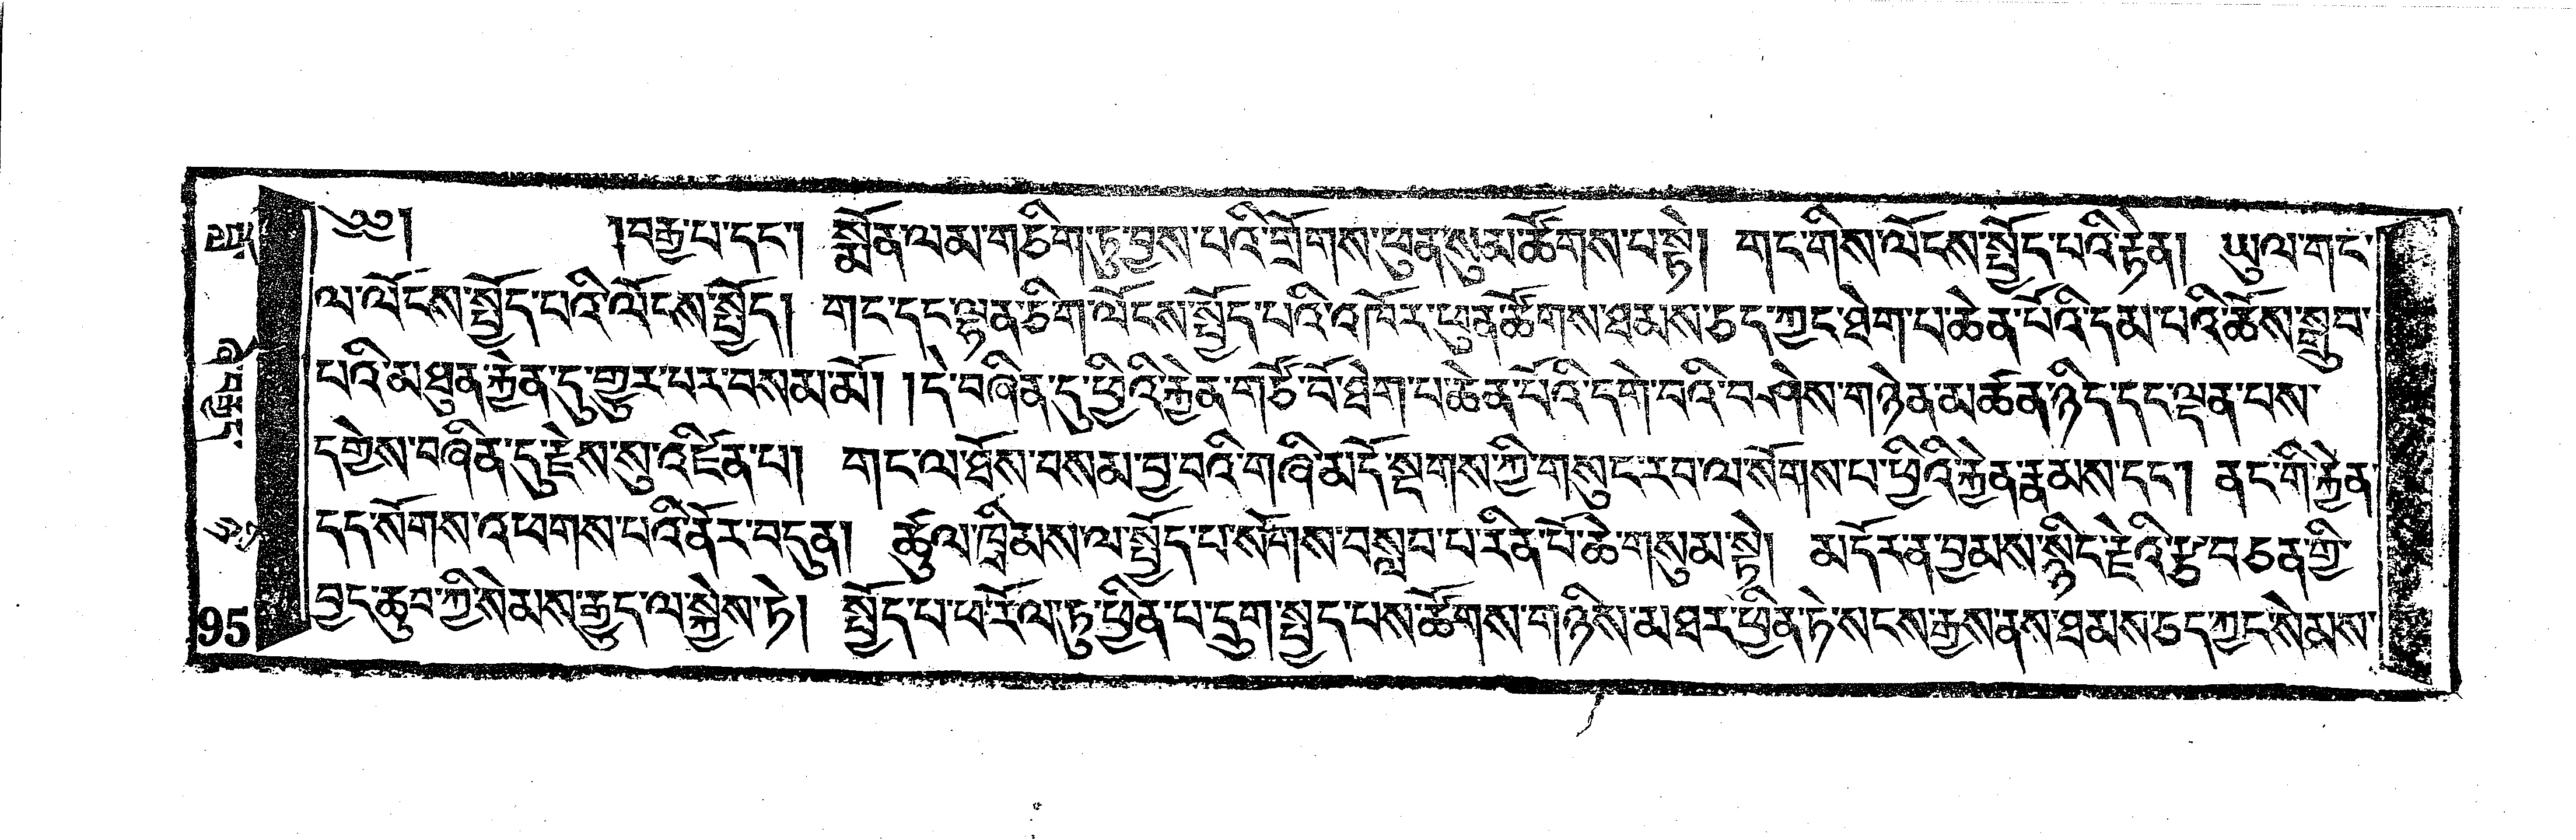༄༅། །བརྒྱ་པ་དང་། སྨོན་ལམ་གཅིག་ཏུ་བྱས་པའི་གྲོགས་ཕུན་སུམ་ཚོགས་པ་སྟེ། གང་གིས་ལོངས་སྤྱོད་པའི་རྟེན། ཡུལ་གང་
ལ་ལོངས་སྤྱོད་པའི་ལོངས་སྤྱོད། གང་དང་ལྷན་ཅིག་ལོངས་སྤྱོད་པའི་འཁོར་ཕུན་ཚོགས་ཐམས་ཅད་ཀྱང་ཐེག་པ་ཆེན་པོའི་དམ་པའི་ཆོས་སྒྲུབ་
པའི་མཐུན་རྐྱེན་དུ་གྱུར་པར་བསམ་མོ། །དེ་བཞིན་དུ་ཕྱིའི་རྐྱེན་གཙོ་བོ་ཐེག་པ་ཆེན་པོའི་དགེ་བའི་བཤེས་གཉེན་མཚན་ཉིད་དང་ལྡན་པས་
དགྱེས་བཞིན་དུ་རྗེས་སུ་འཛིན་པ། གང་ལ་ཐོས་བསམ་བྱ་བའི་གཞི་མདོ་སྔགས་ཀྱི་གསུང་རབ་ལ་སོགས་པ་ཕྱིའི་རྐྱེན་རྣམས་དང་། ནང་གི་རྐྱེན་
དད་སོགས་འཕགས་པའི་ནོར་བདུན། ཚུལ་ཁྲིམས་ལ་སྤྱོད་པ་སོགས་བསླབ་པ་རིན་པོ་ཆེ་གསུམ་སྟེ། མདོར་ན་བྱམས་སྙིང་རྗེའི་རྩ་བ་ཅན་གྱི་
བྱང་ཆུབ་ཀྱི་སེམས་རྒྱུད་ལ་སྐྱེས་ཏེ། སྤྱོད་པ་ཕ་རོལ་ཏུ་ཕྱིན་པ་དྲུག་སྤྱད་པས་ཚོགས་གཉིས་མཐར་ཕྱིན་ཏེ་སངས་རྒྱས་ནས་ཐམས་ཅད་ཀྱང་སེམས་